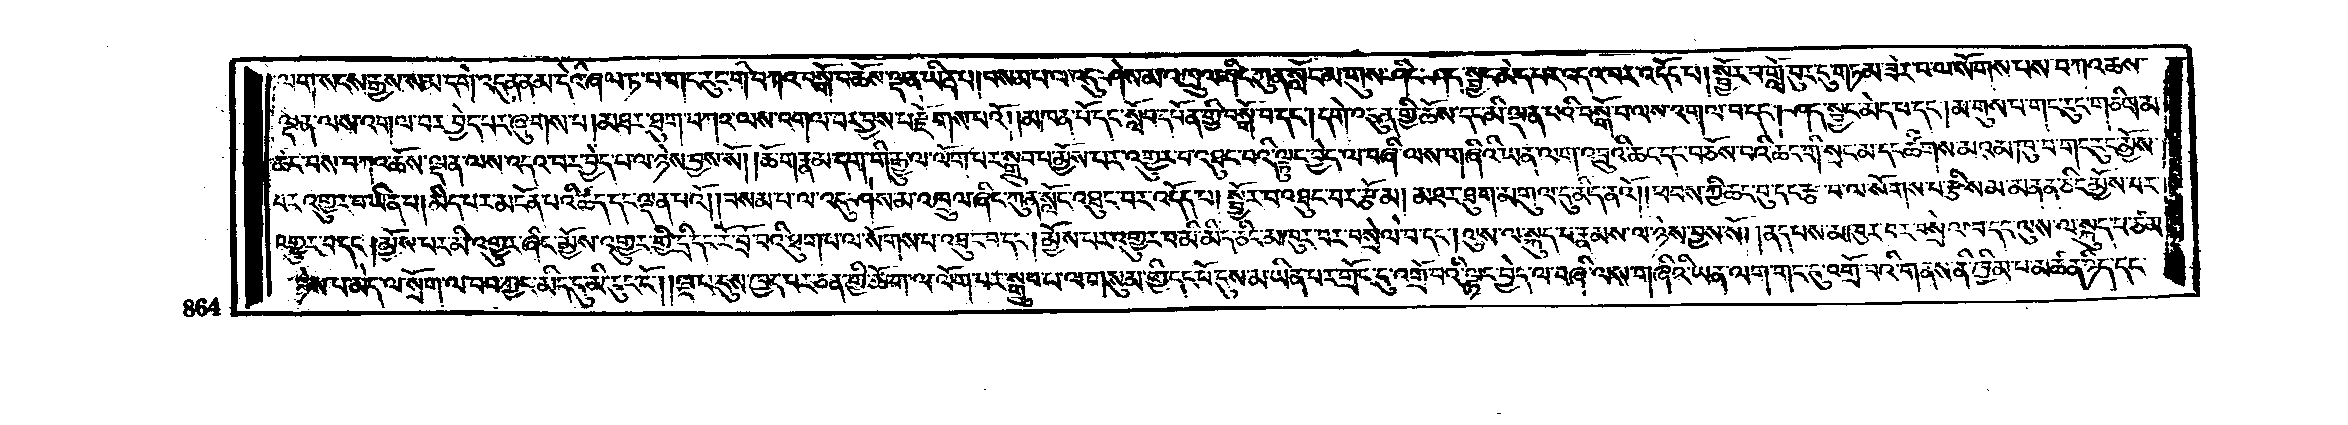ལག་སངས་རྒྱས་སམ་དགེ་འདུན་ནམ་དེའི་ཞལ་ཏ་པ་གང་རུང་གི་བཀའ་བསྒོ་བ་ཆོས་ལྡན་ཡིན་པ། བསམ་པ་ལ་འདུ་ཤེས་མ་འཁྲུལ་ཞིང་ཀུན་སློང་མ་གུས་ཤིང་ཤད་སྦྱང་མེད་པར་འདའ་བར་འདོད་པ། སྦྱོར་བ་གློ་བུར་དུ་གཏམ་ཟེར་བ་ལ་སོགས་པས་བཀའ་ཆས་
ལྡན་ལས་འགལ་བར་བྱེད་པར་ཞུགས་པ། མཐར་ཐུག་བཀའ་ལས་འགལ་བར་བྱས་པ་རྫོགས་པའོ། །མཁན་པོ་དང་སློབ་དཔོན་གྱི་བསྒོ་བ་དང་། དགེ་འདུན་གྱི་ཆོས་དང་མི་ལྡན་པའི་བསྒོ་བ་ལས་འགལ་བ་དང་། ཤད་སྦྱང་མེད་པ་དང་། མ་གུས་པ་གང་རུང་གཅིག་མ་
ཚང་བས་བཀའ་ཆོས་ལྡན་ལས་འདའ་བར་བྱེད་པ་ལ་ཉེས་བྱས་སོ། །ཆོ་ག་རྣམ་དག་གི་རྒྱུ་ལ་ལོག་པར་སྒྲུབ་པ་མྱོས་པར་འགྱུར་བ་འཐུང་བའི་ལྟུང་བྱེད་ལ་བཞི་ལས་གཞིའི་ཡན་ལག་འབྲུའི་ཆང་དང་བཅོས་པའི་ཆང་གི་སྲང་མ་དང་ཚིགས་མའམ་ཁུ་བ་གང་རུང་མྱོས་
པར་འགྱུར་བ་ཡིན་པ། མིད་པར་མངོན་པའི་ཚད་དང་ལྡན་པའོ། །བསམ་པ་ལ་འདུ་ཤེས་མ་འཁྲུལ་ཞིང་ཀུན་སློང་འཐུང་བར་འདོད་པ། སྦྱོར་བ་འཐུང་བར་རྩོམ། མཐར་ཐུག་མགུལ་དུ་མིད་ནའོ། །ཕབས་ཀྱི་ཆང་བུ་དང་རྩ་བ་ལ་སོགས་པ་རྩིས་མ་མནན་ཅིང་མྱོས་པར་
འགྱུར་བ་དང་། མྱོས་པར་མི་འགྱུར་ཞིང་མྱོས་འགྱུར་གྱི་དྲི་དང་རོ་བྲོ་བའི་ཐུག་པ་ལ་སོགས་པ་འཐུང་བ་དང་། མྱོས་པར་འགྱུར་བ་མི་མིད་ཅིང་མཁུར་བར་བསྲེལ་བ་དང་། ལུས་ལ་སྐུད་པ་རྣམས་ལ་ཉེས་བྱས་སོ། །ནད་པས་མཁུར་བར་བསྲེལ་བ་དང་ལུས་ལ་སྐུད་པ་ཙམ་
ཉེས་པ་མེད་ལ་སྲོག་ལ་བབ་ཀྱང་མིད་དུ་མི་རུང་ངོ། །ལྔ་པ་དུས་ཁྱད་པར་ཅན་གྱི་ཆོ་ག་ལ་ལོག་པར་སྒྲུབ་པ་ལ་གསུམ་གྱི་དང་པོ་དུས་མ་ཡིན་པར་གྲོང་དུ་འགྲོ་བའི་ལྟང་བྱེད་ལ་བཞི་ལས་གཞིའི་ཡན་ལག་གང་དུ་འགྲོ་བའི་གནས་ནི་ཁྱིམ་པ་མཚན་ཉིད་དང་